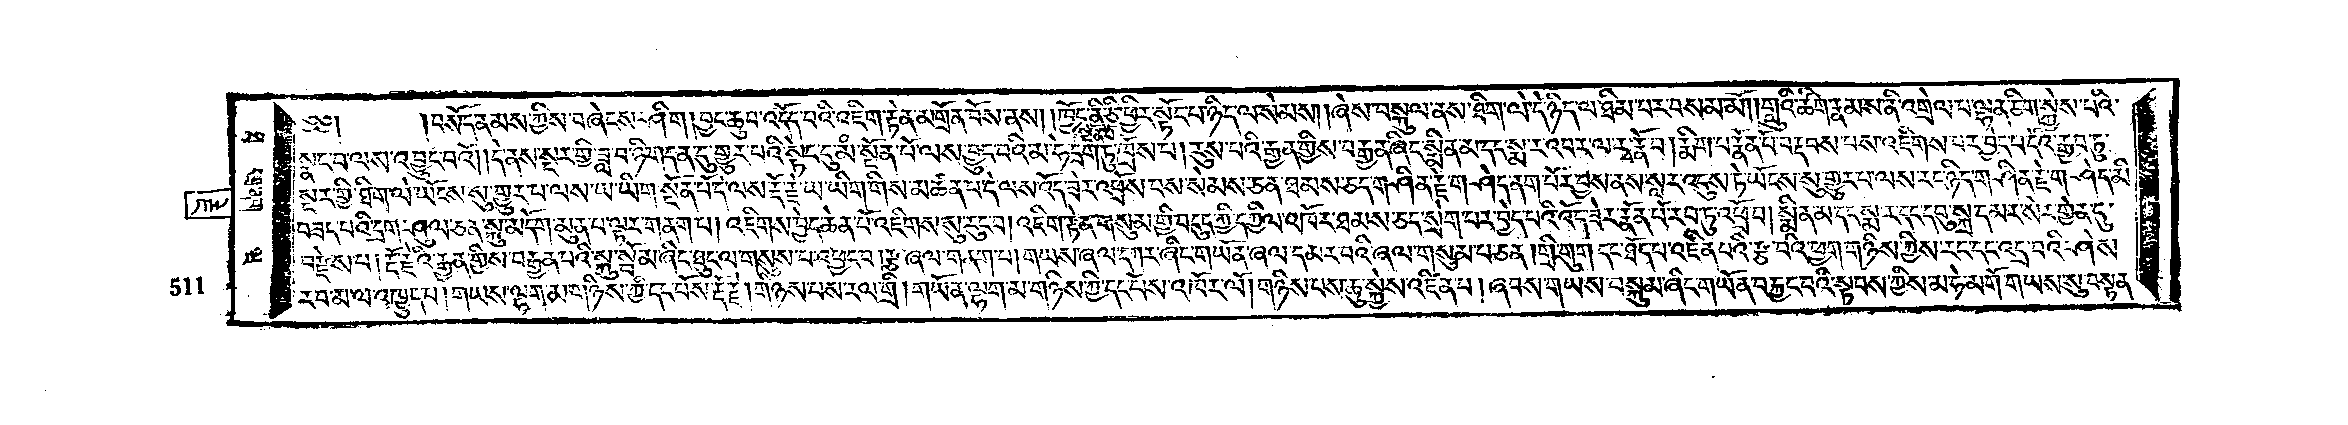༄༅། །བསོད་ནམས་ཀྱིས་བཞེངས་ཤིག །བྱང་ཆུབ་འདོད་པའི་འཇིག་རྟེན་མགྲོན་བོས་ནས། །ཁྱོད་ནི་ཅི་ཕྱིར་སྟོང་པ་ཉིད་ལ་སེམས། །ཞེས་བསྐུལ་ནས་ཐིག་ལེ་དེ་ཉིད་ལ་ཐིམ་པར་བསམ་མོ། །གླུའི་ཚིག་རྣམས་ནི་འགྲེལ་པ་ལྷན་ཅིག་སྐྱེས་པའི་
སྣང་བ་ལས་འབྱུང་བའོ། །དེ་ནས་སྔར་གྱི་ཟླ་བ་ཉི་གདན་དུ་གྱུར་པའི་སྟེང་དུ་མཾ་སྔོན་པོ་ལས་བྱུང་བའི་མ་ཧེ་སྔོན་པོ་དྲག་ཏུ་ཁྲོས་པ། རུས་པའི་རྒྱན་གྱིས་བརྒྱན་ཞིང་སྨིན་མ་དང་སྨ་ར་འབར་ལ་རྭ་རྣོ་བ། རྨིག་པ་རྣོན་པོ་བརྡབས་པས་འཇིགས་པར་བྱེད་པ་དེའི་རྒྱབ་ཏུ་
སྔར་གྱི་ཐིག་ལེ་ཡོངས་སུ་གྱུར་པ་ལས་ཡ་ཡིག་སྔོན་པོ་དེ་ལས་རྡོ་རྗེ་ཡ་ཡིག་གིས་མཚན་པ་དེ་ལས་འོད་ཟེར་འཕྲོས་པས་སེམས་ཅན་ཐམས་ཅད་གཤིན་རྗེ་གཤེད་ནག་པོར་བྱས་ནས་སླར་འདུས་ཏེ་ཡོངས་སུ་གྱུར་པ་ལས་རང་ཉིད་གཤིན་རྗེ་གཤེད་མི་
བཟད་པའི་དྲག་ཤུལ་ཅན་སྐུ་མདོག་མུན་པ་ལྟར་གནག་པ། འཇིགས་བྱེད་ཆེན་པོ་འཇིགས་སུ་རུང་བ། འཇིག་རྟེན་གསུམ་གྱི་བདུད་ཀྱི་དཀྱིལ་འཁོར་ཐམས་ཅད་སྲེག་པར་བྱེད་པའི་འོད་ཟེར་རྣོན་པོ་རབ་ཏུ་འཕྲོ་བ། སྨིན་མ་དང་སྨ་ར་དང་དབུ་སྐྲ་དམར་སེར་གྱེན་དུ་
བརྫེས་པ། རྡོ་རྗེའི་རྒྱན་གྱིས་བརྒྱན་པའི་སྐུ་སྦོམ་ཞིང་ཐུང་ལ་གསུས་པ་འཕྱང་བ། རྩ་ཞལ་གང་པ། གཡས་ཞལ་དཀར་ཞིང་གཡོན་ཞལ་དམར་བའི་ཞལ་གསུམ་པ་ཅན། གྲི་གུག་དང་ཐོད་པ་འཛིན་པའི་རྩ་བའི་ཕྱོགས་གཉིས་ཀྱིས་རང་དང་འདྲ་བའི་ཤེས་
རབ་མ་ལ་འཁྱུད་པ། གཡས་ལྷག་མ་གཉིས་ཀྱི་དང་པོས་རྡོ་རྗེ། གཉིས་པས་རལ་གྲི། གཡོན་ལྷག་མ་གཉིས་ཀྱི་དང་པོས་འཁོར་ལོ། གཉིས་པས་ཆུ་སྐྱེས་འཛིན་པ། ཞབས་གཡས་བསྐུམ་ཞིང་གཡོན་བརྐྱང་བའི་སྟབས་ཀྱིས་མ་ཧེ་མགོ་གཡས་སུ་བསྟན་